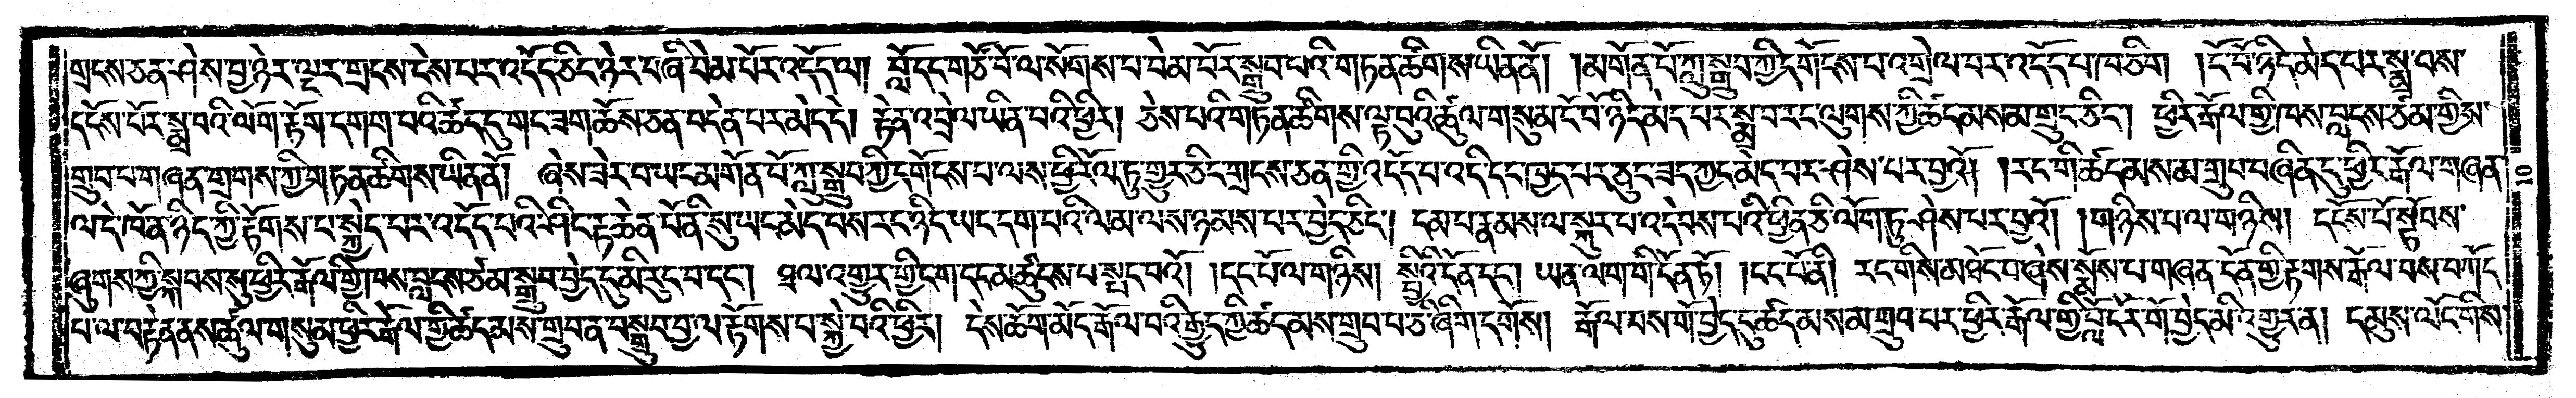གྲངས་ཅན་ཤེས་བྱ་ཉེར་ལྔར་གྲངས་ངེས་པར་འདོད་ཅིང་ཉེར་བཞི་བེམ་པོར་འདོད་ལ། བློ་དང་གཙོ་བོ་ལ་སོགས་པ་བེམ་པོར་སྒྲུབ་པའི་གཏན་ཚིགས་ཡིན་ནོ། །མགོན་པོ་ཀླུ་སྒྲུབ་ཀྱི་དགོངས་པ་འགྲེལ་བར་འདོད་པ་ཁ་ཅིག །ངོ་བོ་ཉིད་མེད་པར་སྨྲ་བས་
དངོས་པོར་སྨྲ་བའི་ལོག་རྟོག་དགག་བའི་ཚད་དུ་གང་ཟག་ཆོས་ཅན་བདེན་པར་མེད་དེ། རྟེན་འབྲེལ་ཡིན་པའི་ཕྱིར། ཅེས་པའི་གཏན་ཚིགས་ལྟ་བུའི་ཚུལ་གསུམ་ངོ་བོ་ཉིད་མེད་པར་སྨྲ་བ་རང་ལུགས་ཀྱི་ཚད་མས་མ་གྲུབ་ཅིང་། ཕྱིར་རྒོལ་གྱི་ཁས་བླངས་ཙམ་གྱིས་
གྲུབ་པ་གཞན་གྲགས་ཀྱི་གཏན་ཚིགས་ཡིན་ནོ། ཞེས་ཟེར་བ་ཡང་མགོན་པོ་ཀླུ་སྒྲུབ་ཀྱི་དགོངས་པ་ལས་ཕྱི་རོལ་ཏུ་གྱུར་ཅིང་གྲངས་ཅན་གྱི་འདོད་པ་འདི་དང་ཁྱད་པར་ཅུང་ཟད་ཀྱང་མེད་པར་ཤེས་པར་བྱའོ། །རང་གི་ཚད་མས་མ་གྲུབ་བཞིན་དུ་ཕྱིར་རྒོལ་གཞན་
ལ་དེ་ཁོ་ན་ཉིད་ཀྱི་རྟོགས་པ་སྐྱེད་པར་འདོད་པའི་ཤིང་རྟ་ཆེན་པོ་ནི་སུ་ཡང་མེད་བས་རང་ཉིད་ཡང་དག་པའི་ལམ་ལས་ཉམས་པར་བྱེད་ཅིང་། དམ་པ་རྣམས་ལ་སྐུར་པ་འདེབས་པའི་ཕྱིན་ཅི་ལོག་ཏུ་ཤེས་པར་བྱའོ། །གཉིས་པ་ལ་གཉིས། དངོས་པོ་སྟོབས་
ཞུགས་ཀྱི་སྐབས་སུ་ཕྱིར་རྒོལ་གྱི་ཁས་བླངས་ཙམ་སྒྲུབ་བྱེད་དུ་མི་རུང་བ་དང་། ཐལ་འགྱུར་གྱི་ངག་དང་མཚུངས་པ་སྤང་བའོ། །དང་པོ་ལ་གཉིས། སྤྱིའི་དོན་དང་། ཡན་ལག་གི་དོན་ཏོ། །དང་པོ་ནི། རང་གིས་མཐོང་བ་ཞེས་སྨོས་པ་གཞན་དོན་གྱི་རྟགས་རྒོལ་བས་བཀོད་
པ་ལ་བརྟེན་ནས་ཚུལ་གསུམ་ཕྱིར་རྒོལ་གྱི་ཚད་མས་གྲུབ་ན་བསྒྲུབ་བྱ་ལ་རྟོགས་པ་སྐྱེ་བའི་ཕྱིར། ངེས་ཆོག་མོད་རྒོལ་བའི་རྒྱུད་ཀྱི་ཚད་མས་གྲུབ་པ་ཅི་ཞིག་དགོས། རྒོལ་བས་གོ་བྱེད་དུ་ཚད་མས་མ་གྲུབ་པར་ཕྱིར་རྒོལ་གྱི་བློ་ངོར་གོ་བྱེད་མི་འགྱུར་ན། དམུས་ལོང་གིས་